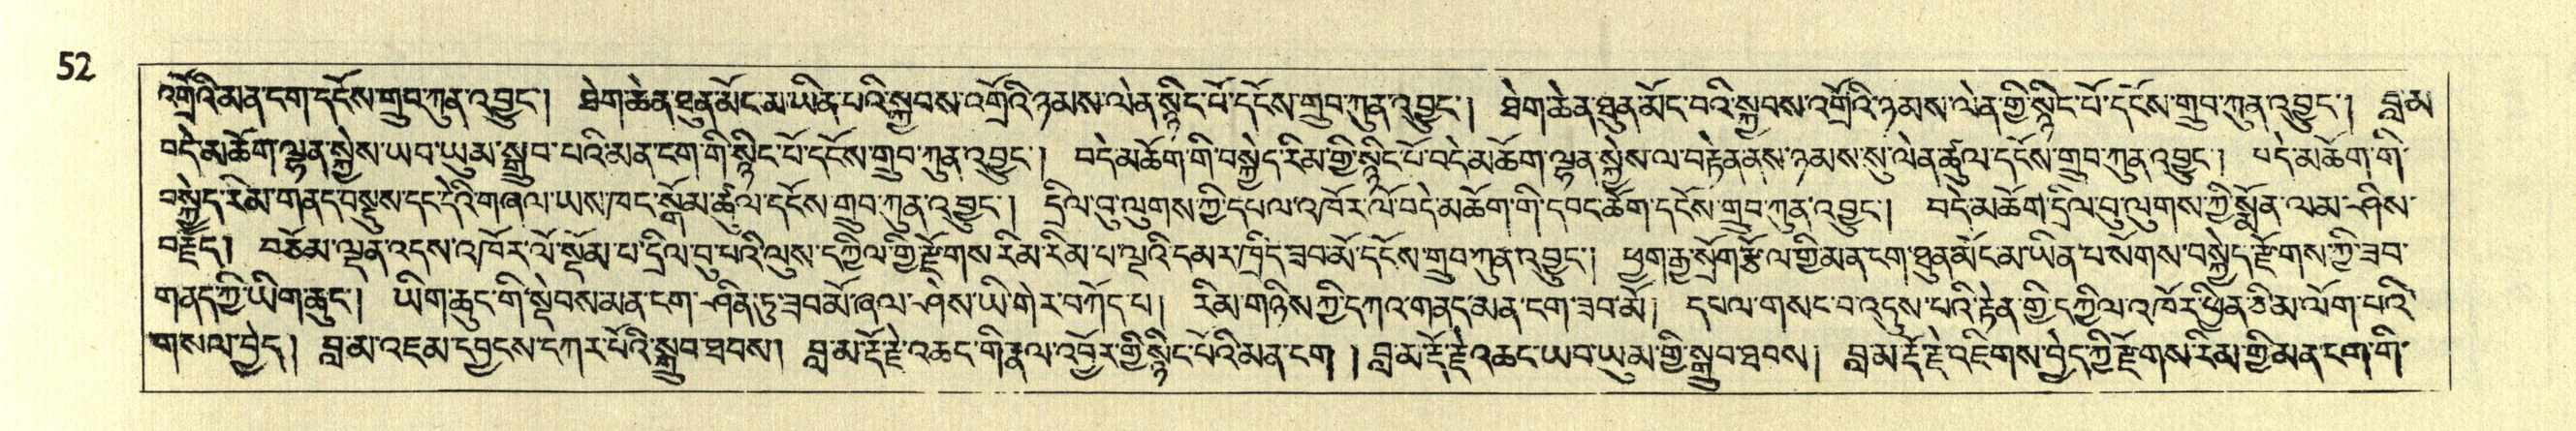འགྲོའི་མན་ངག་དངོས་གྲུབ་ཀུན་འབྱུང་། ཐེག་ཆེན་ཐུན་མོང་མ་ཡིན་པའི་སྐྱབས་འགྲོའི་ཉམས་ལེན་སྙིང་པོ་དངོས་གྲུབ་ཀུན་འབྱུང་། ཐེག་ཆེན་ཐུན་མོང་བའི་སྐྱབས་འགྲོའི་ཉམས་ལེན་གྱི་སྙིང་པོ་དངོས་གྲུབ་ཀུན་འབྱུང་། བླ་མ་
བདེ་མཆོག་ལྷན་སྐྱེས་ཡབ་ཡུམ་སྒྲུབ་པའི་མན་ངག་གི་སྙིང་པོ་དངོས་གྲུབ་ཀུན་འབྱུང་། བདེ་མཆོག་གི་བསྐྱེད་རིམ་གྱི་སྙིང་པོ་བདེ་མཆོག་ལྷན་སྐྱེས་ལ་བརྟེན་ནས་ཉམས་སུ་ལེན་ཚུལ་དངོས་གྲུབ་ཀུན་འབྱུང་། བདེ་མཆོག་གི་
བསྐྱེད་རིམ་གནད་བསྡུས་དང་དེའི་གཞལ་ཡས་ཁང་སྒོམ་ཚུལ་དངོས་གྲུབ་ཀུན་འབྱུང་། དྲིལ་བུ་ལུགས་ཀྱི་དཔལ་འཁོར་ལོ་བདེ་མཆོག་གི་དབང་ཆོག་དངོས་གྲུབ་ཀུན་འབྱུང་། བདེ་མཆོག་དྲིལ་བུ་ལུགས་ཀྱི་སྨོན་ལམ་ཤིས་
བརྗོད། བཅོམ་ལྡན་འདས་འཁོར་ལོ་སྡོམ་པ་དྲིལ་བུ་པའི་ལུས་དཀྱིལ་གྱི་རྫོགས་རིམ་རིམ་པ་ལྔའི་དམར་ཁྲིད་ཟབ་མོ་དངོས་གྲུབ་ཀུན་འབྱུང་། ཕྱག་རྒྱ་སྲོག་རྩོལ་གྱི་མན་ངག་ཐུན་མོང་མ་ཡིན་པ་སོགས་བསྐྱེད་རྫོགས་ཀྱི་ཟབ་
གནད་ཀྱི་ཡིག་ཆུང་། ཡིག་ཆུང་གི་སྡེབས་མན་ངག་ཤིན་ཏུ་ཟབ་མོ་ཞལ་ཤེས་ཡི་གེར་བཀོད་པ། རིམ་གཉིས་ཀྱི་དཀའ་གནད་མན་ངག་ཟབ་མོ། དཔལ་གསང་བ་འདུས་པའི་རྟེན་གྱི་དཀྱིལ་འཁོར་ཕྱིན་ཅི་མ་ལོག་པའི་
གསལ་བྱེད། བླ་མ་འཇམ་དབྱངས་དཀར་པོའི་སྒྲུབ་ཐབས། བླ་མ་རྡོ་རྗེ་འཆང་གི་རྣལ་འབྱོར་གྱི་སྙིང་པོའི་མན་ངག །བླ་མ་རྡོ་རྗེ་འཆང་ཡབ་ཡུམ་གྱི་སྒྲུབ་ཐབས། བླ་མ་རྡོ་རྗེ་འཇིགས་བྱེད་ཀྱི་རྫོགས་རིམ་གྱི་མན་ངག་གི་